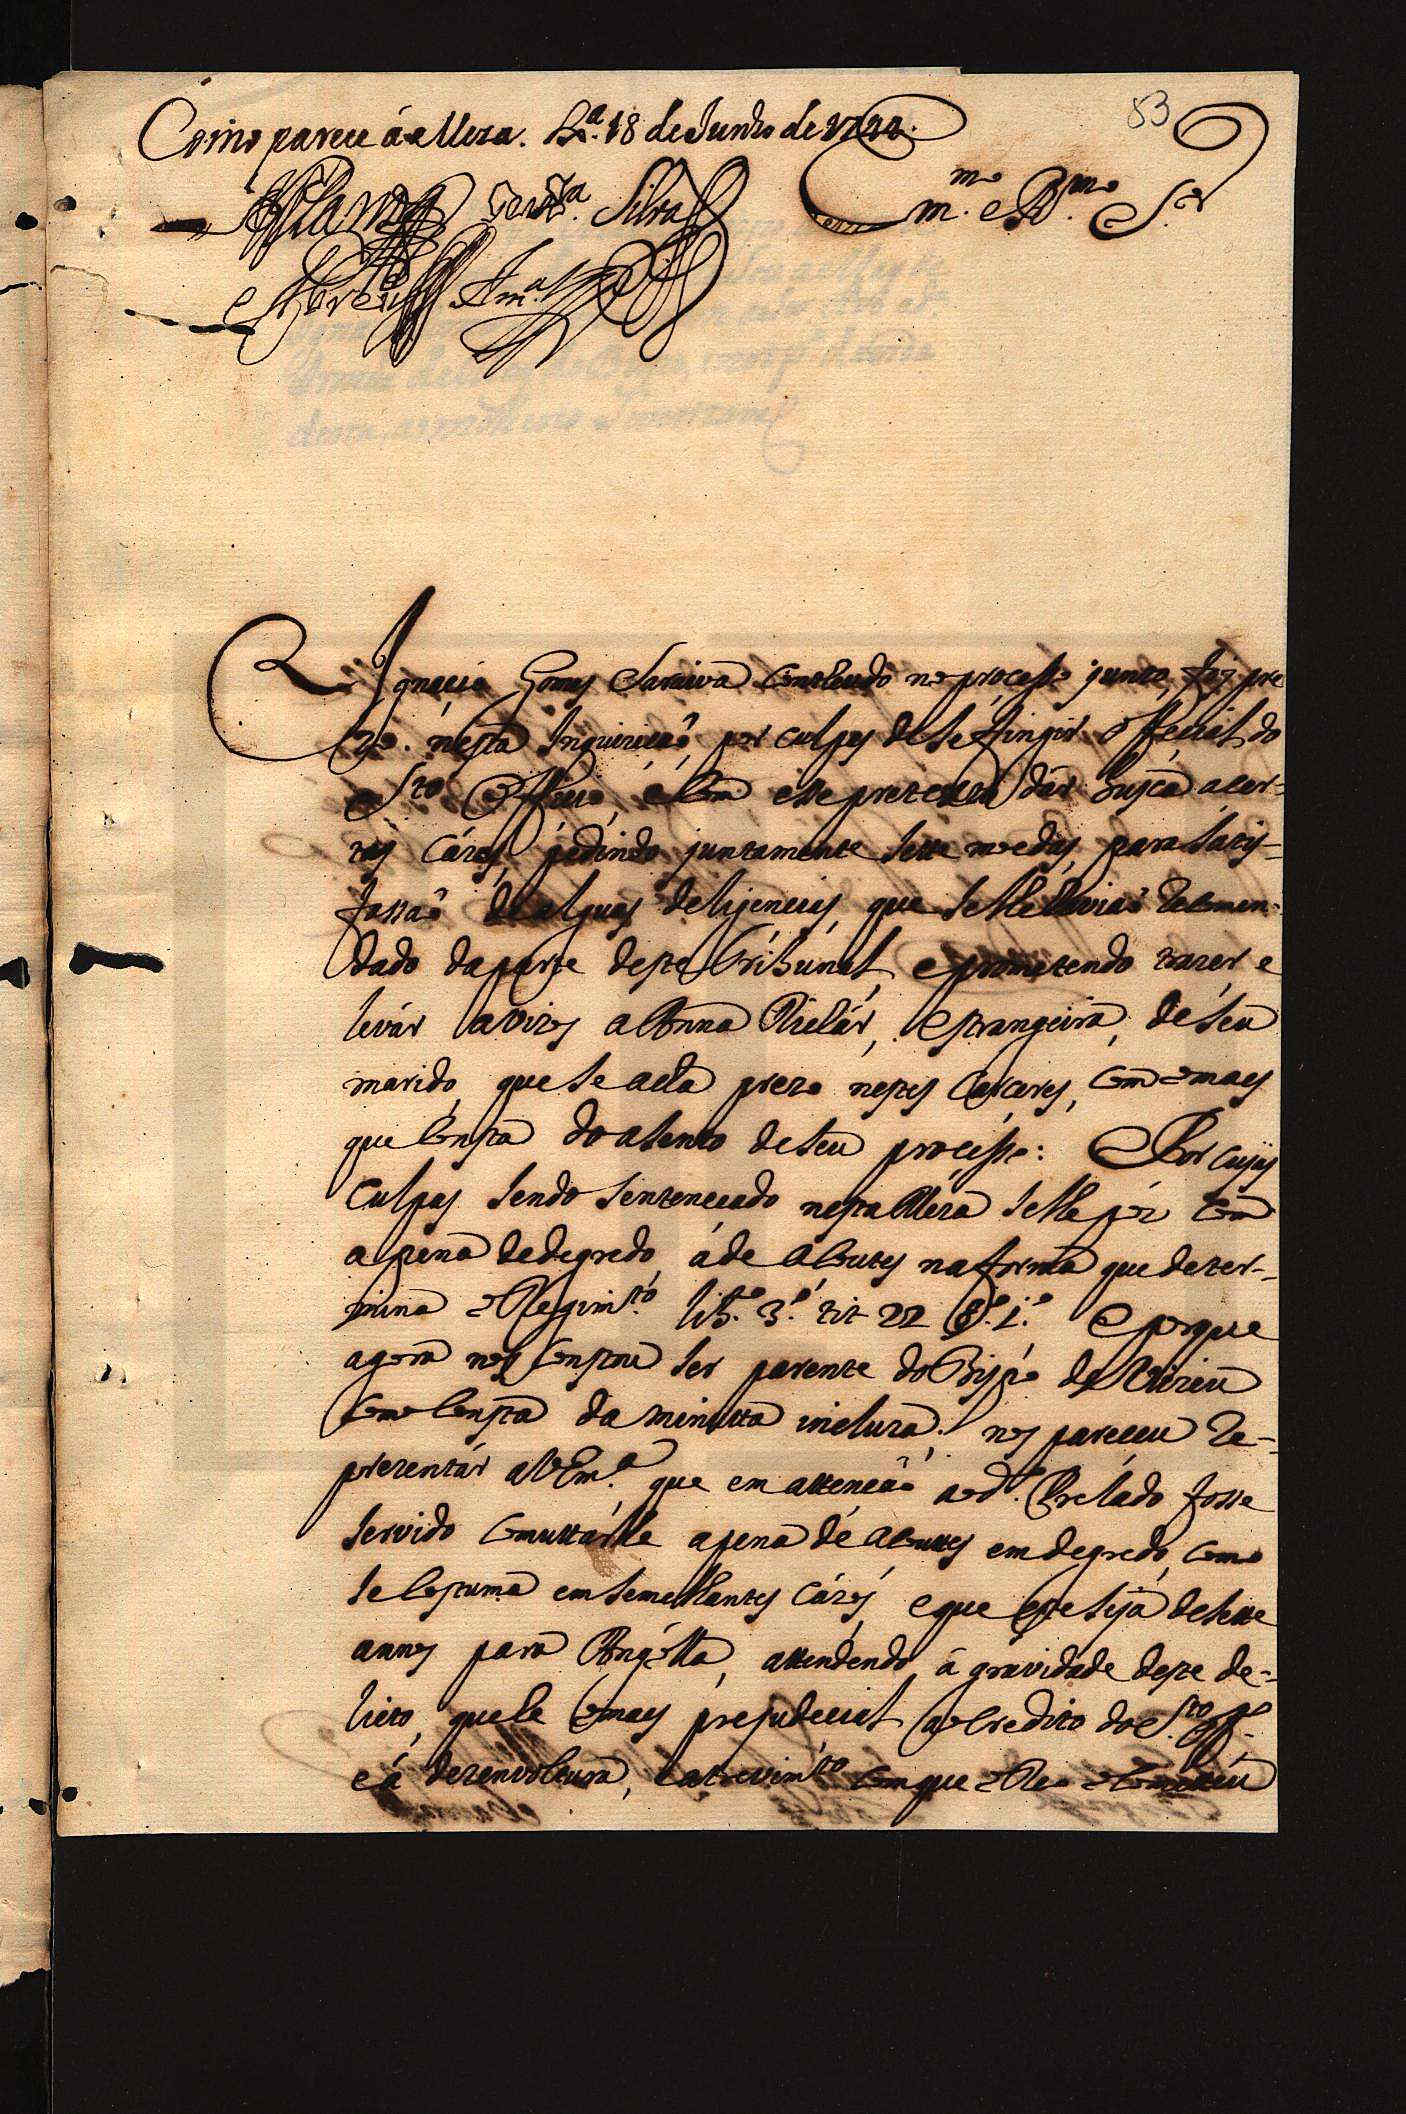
Como parece á Meza. Lx.a 18 de Iunho de 1744.
Em.mo e R.mo S.or
Silva
e Abreu Am.al
Jgnacio Gomes Saraiva Contheudo no processo junto, foj pre
zo. nesta Inquiziçaõ por culpas de se fingir offecial do
S.to Officio, e Com esse pretexto dar busca a cer
tas cazas, pedindo juntamente sette moedas para satis
fassaõ de alguas deligencias, que se lhe haviaõ Recomen
dado da parte deste Tribunal, e prometendo trazer, e
levar avizos a Anna Richar, estrangeira, de seu
marido, que se acha prezo nestes Carceres, Com o maes
que Consta do asento de seu processo: e Por cujas
culpas sendo sentenceado nesta Meza se lhe poz com
a pena de degredo, a de açoutes na forma que deter
mina o Regim.to lib̄.o 3.o tit 22 §.o 1.o, e porque
agora nos constou ser parente do Bispo de Vizeu
Como Consta da minutta incluza; nos pareceu Re
prezentar a V Em.a, que em attençaõ ao d.o Prelado fosse
servido Comuttarlhe a pena de açouttes em degredo, como
se Costuma em semelhantes cazos, e que este seja de sette
annos para Angolla, attendendo á gravidade deste de
licto, que he o maes prejudeciaL ao credito do S.to off.o,
e á dezenvoltura, e atrevimto com que o Reo o Cometteu
